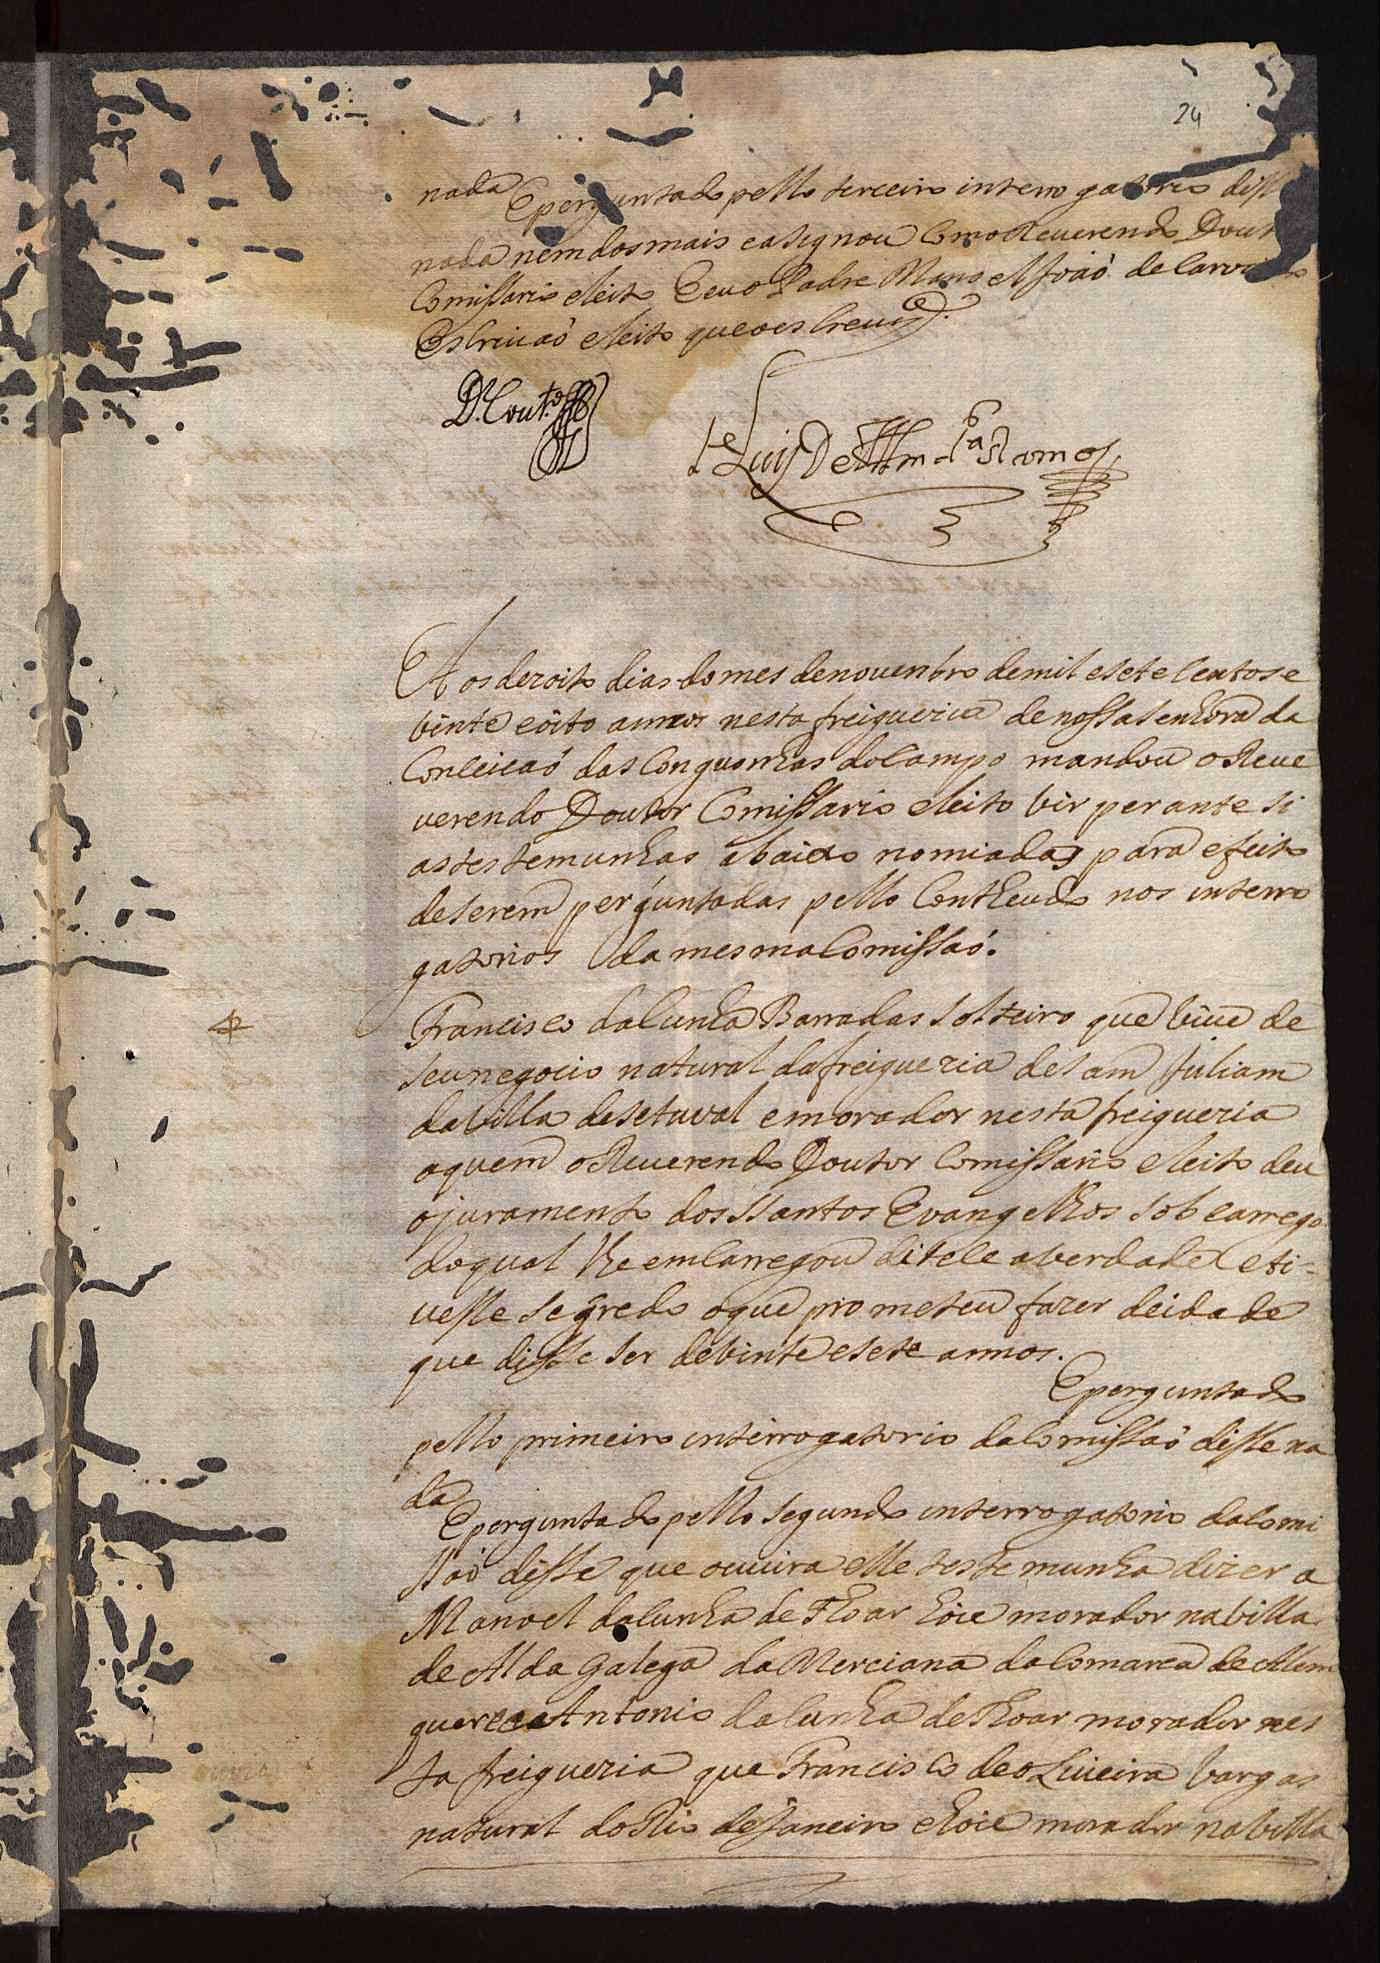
nada
E perguntado pello terceiro interrogatorio disse
nada nem dos mais e asignou com o Reuerendo Dout
Comissario eleito E eu o Padre Manoel Joaõ de Carv
EsCriuaõ eleito que o esCreui.
D.r Cout.o
Ie Luis de Almda Ramos
Aos dezoito dias do mes de nouembro de mil e setecentos e
vinte e oito annos nesta freiguezia de nossa senhora da
Conceiçaõ das Conguonhas do Campo mandou o Reue
uerendo Doutor Comissario eleito vir perante si
as testemunhas abaixo nomiadas para efeito
de serem perguntadas pello Contheudo nos interro
gatorios da mesma Comissaõ.
Francisco da Cunha Barradas solteiro que Viue de
4
seu negocio natural da freiguezia de sam Juliam
da Villa de setuval e morador nesta freguezia
a quem o Reuerendo Doutor Comissario eleito deu
o juramento dos ssantos Evangelhos sob carrego
do qual lhe emCarregou disece a verdade e ti
uesse segredo o que prometeu fazer de idade
que disse ser de vinte e sete annos.
E perguntado
pello primeiro interrogatorio da Comissaõ disse na
da
E perguntado pello segundo interrogatorio da comi
ssaõ disse que ouuira elle testemunha dizer a
Manoel da Cunha de Thoar hoie morador na villa
de Alda Galega da Merciana da Comarca de Alem
quer e a Antonio da Cunha de Thoar morador nes
ta freiguezia, que Francisco de oLiueira Vargas
natural do Rio de Janeiro e hoie morador na villa
